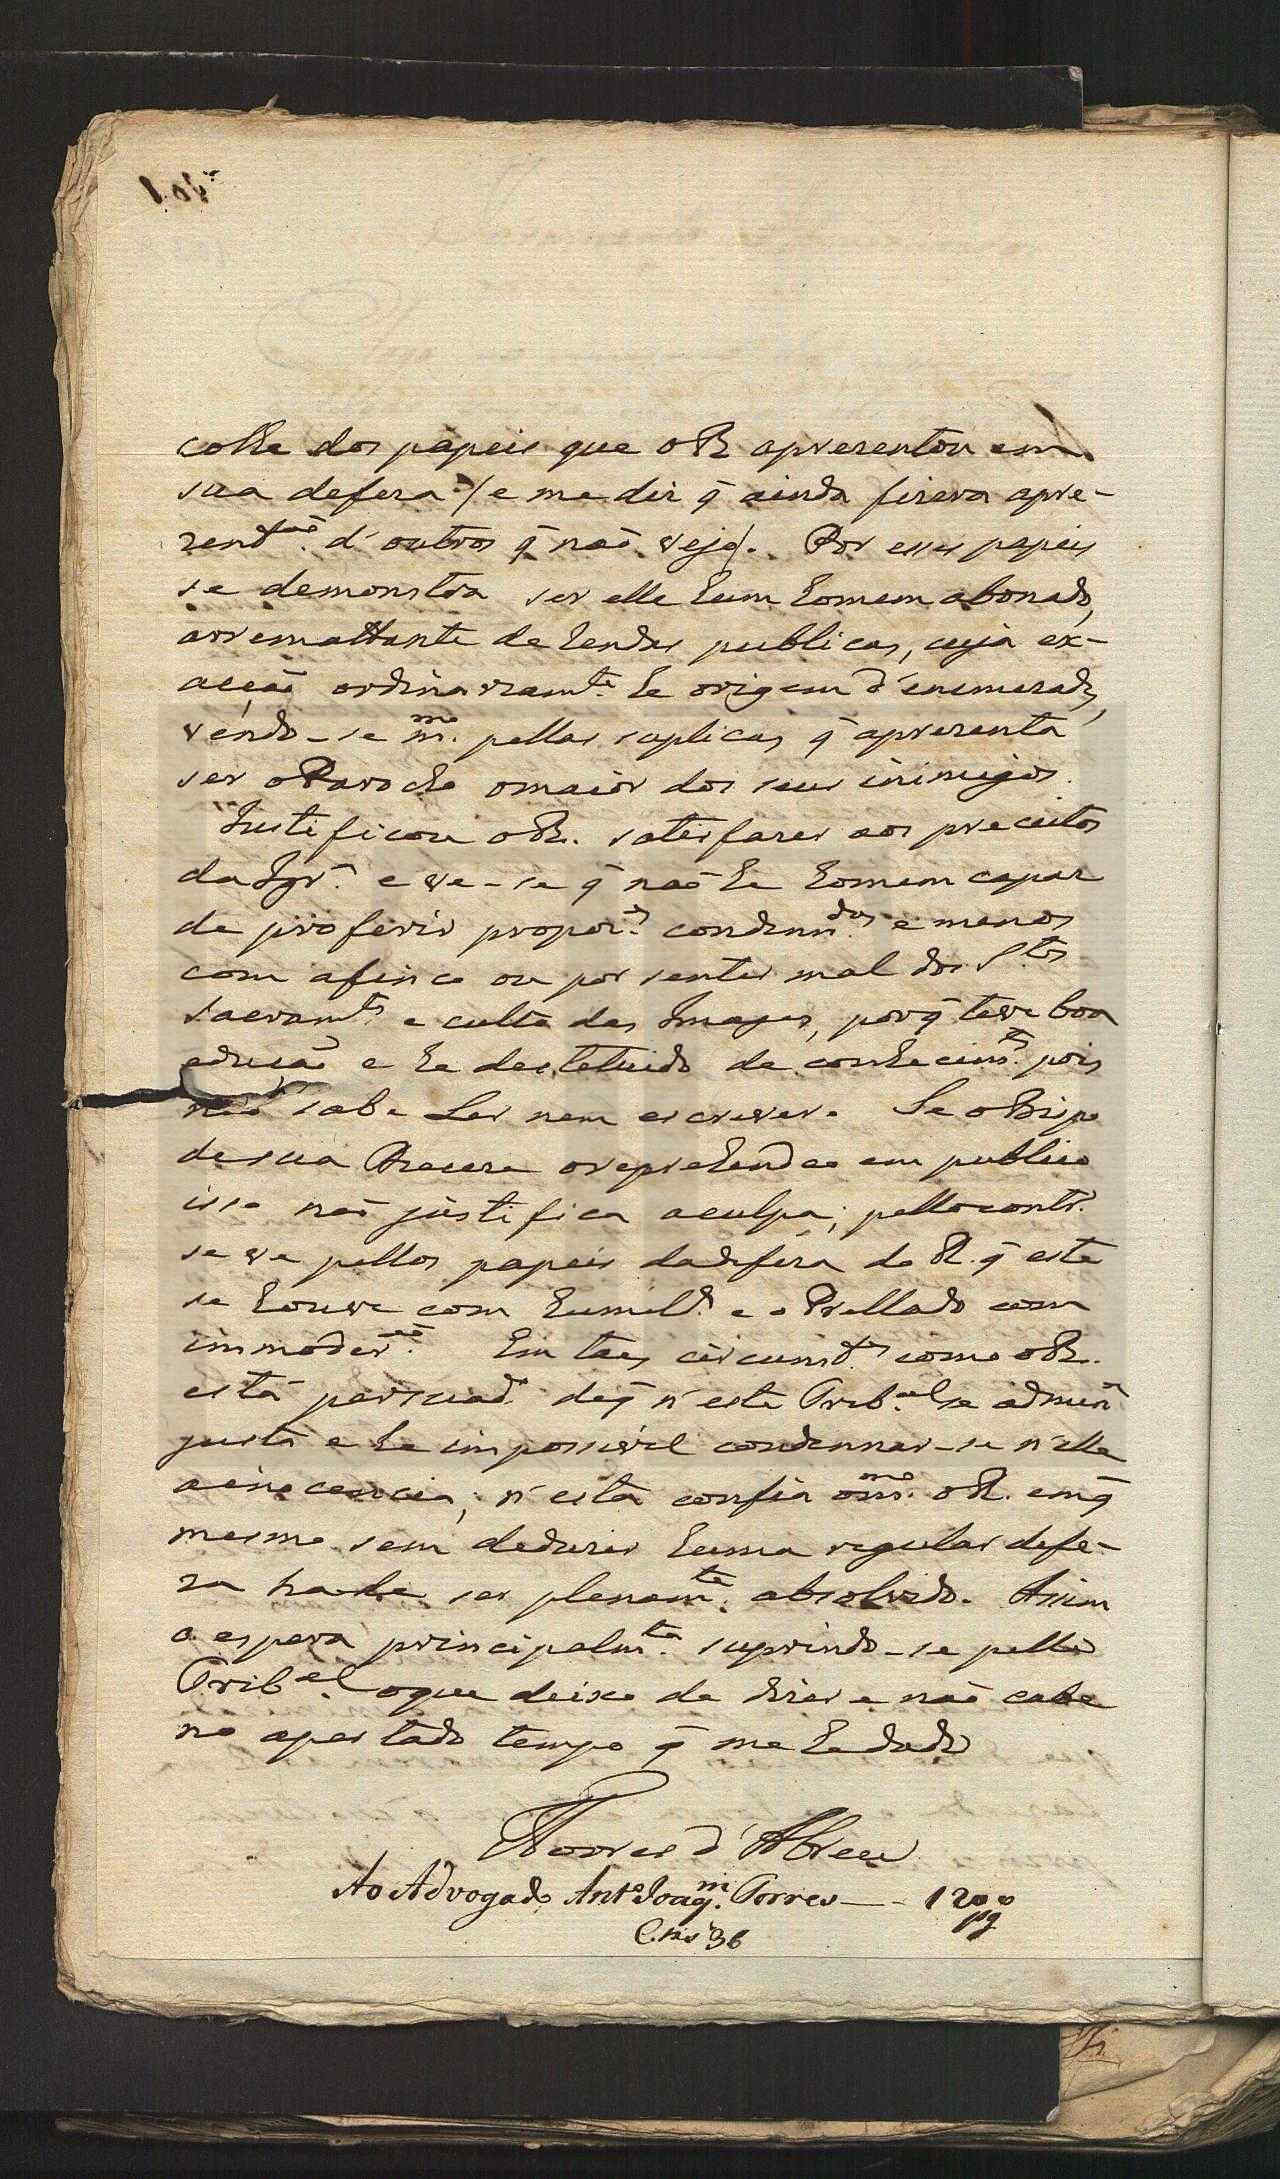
colhe dos papeis que o R aprezentou em
sua defeza / e me diz q̄ ainda fizera apre
zent.aõ d'outros q̄ naõ vejo/. Por esses papeis
se demonstra ser elle hum homem abonado,
arremattante de Rendas publicas, cuja ex
acçaõ ordinariam.te he origem d'enemezades,
vendo-se m.mo pellas suplicas q̄ aprezenta
ser o Parocho o maior dos seus inimigos.
Iustificou o R. satisfazer aos preceitos
da Igr.a e ve-se q̄ naõ he homem capaz
de proferir propoz.es condenn.dos e menos
com afinco ou por sentir mal dos S.tos
sacram.tos e culto das Images, porq̄ teve boa
adeçaõ e he destetuido de conhecim.to pois
naõ sabe Ler nem escrever. Se o Bispo
de sua Dioceze o reprehendeo em publico
isso naõ justifica a culpa; pello contr.o
se ve pellos papeis da defeza do R. q̄ este
se houve com humil.e e o Prellado com
immoder.aõ Em taes circunst.as como o R.
está persuad.o de q̄ neste Trib.al se admen.a
justa e he impossivel condennar-se n'elle
a inocencia, n'esta confia o m.mo o R. em q̄
mesmo sem deduzir huma regular defe
za ha de ser plenam.te absolvido. Assim
o espera principalm.te suprindo-se pello
Trib.al o que deixo da dizer e naõ cabe
no apertado tempo q̄ me he dado
Alvores d'Abreu
Ao Advogado Ant.o Ioaq.m Torres
1200
pg
C no 36
